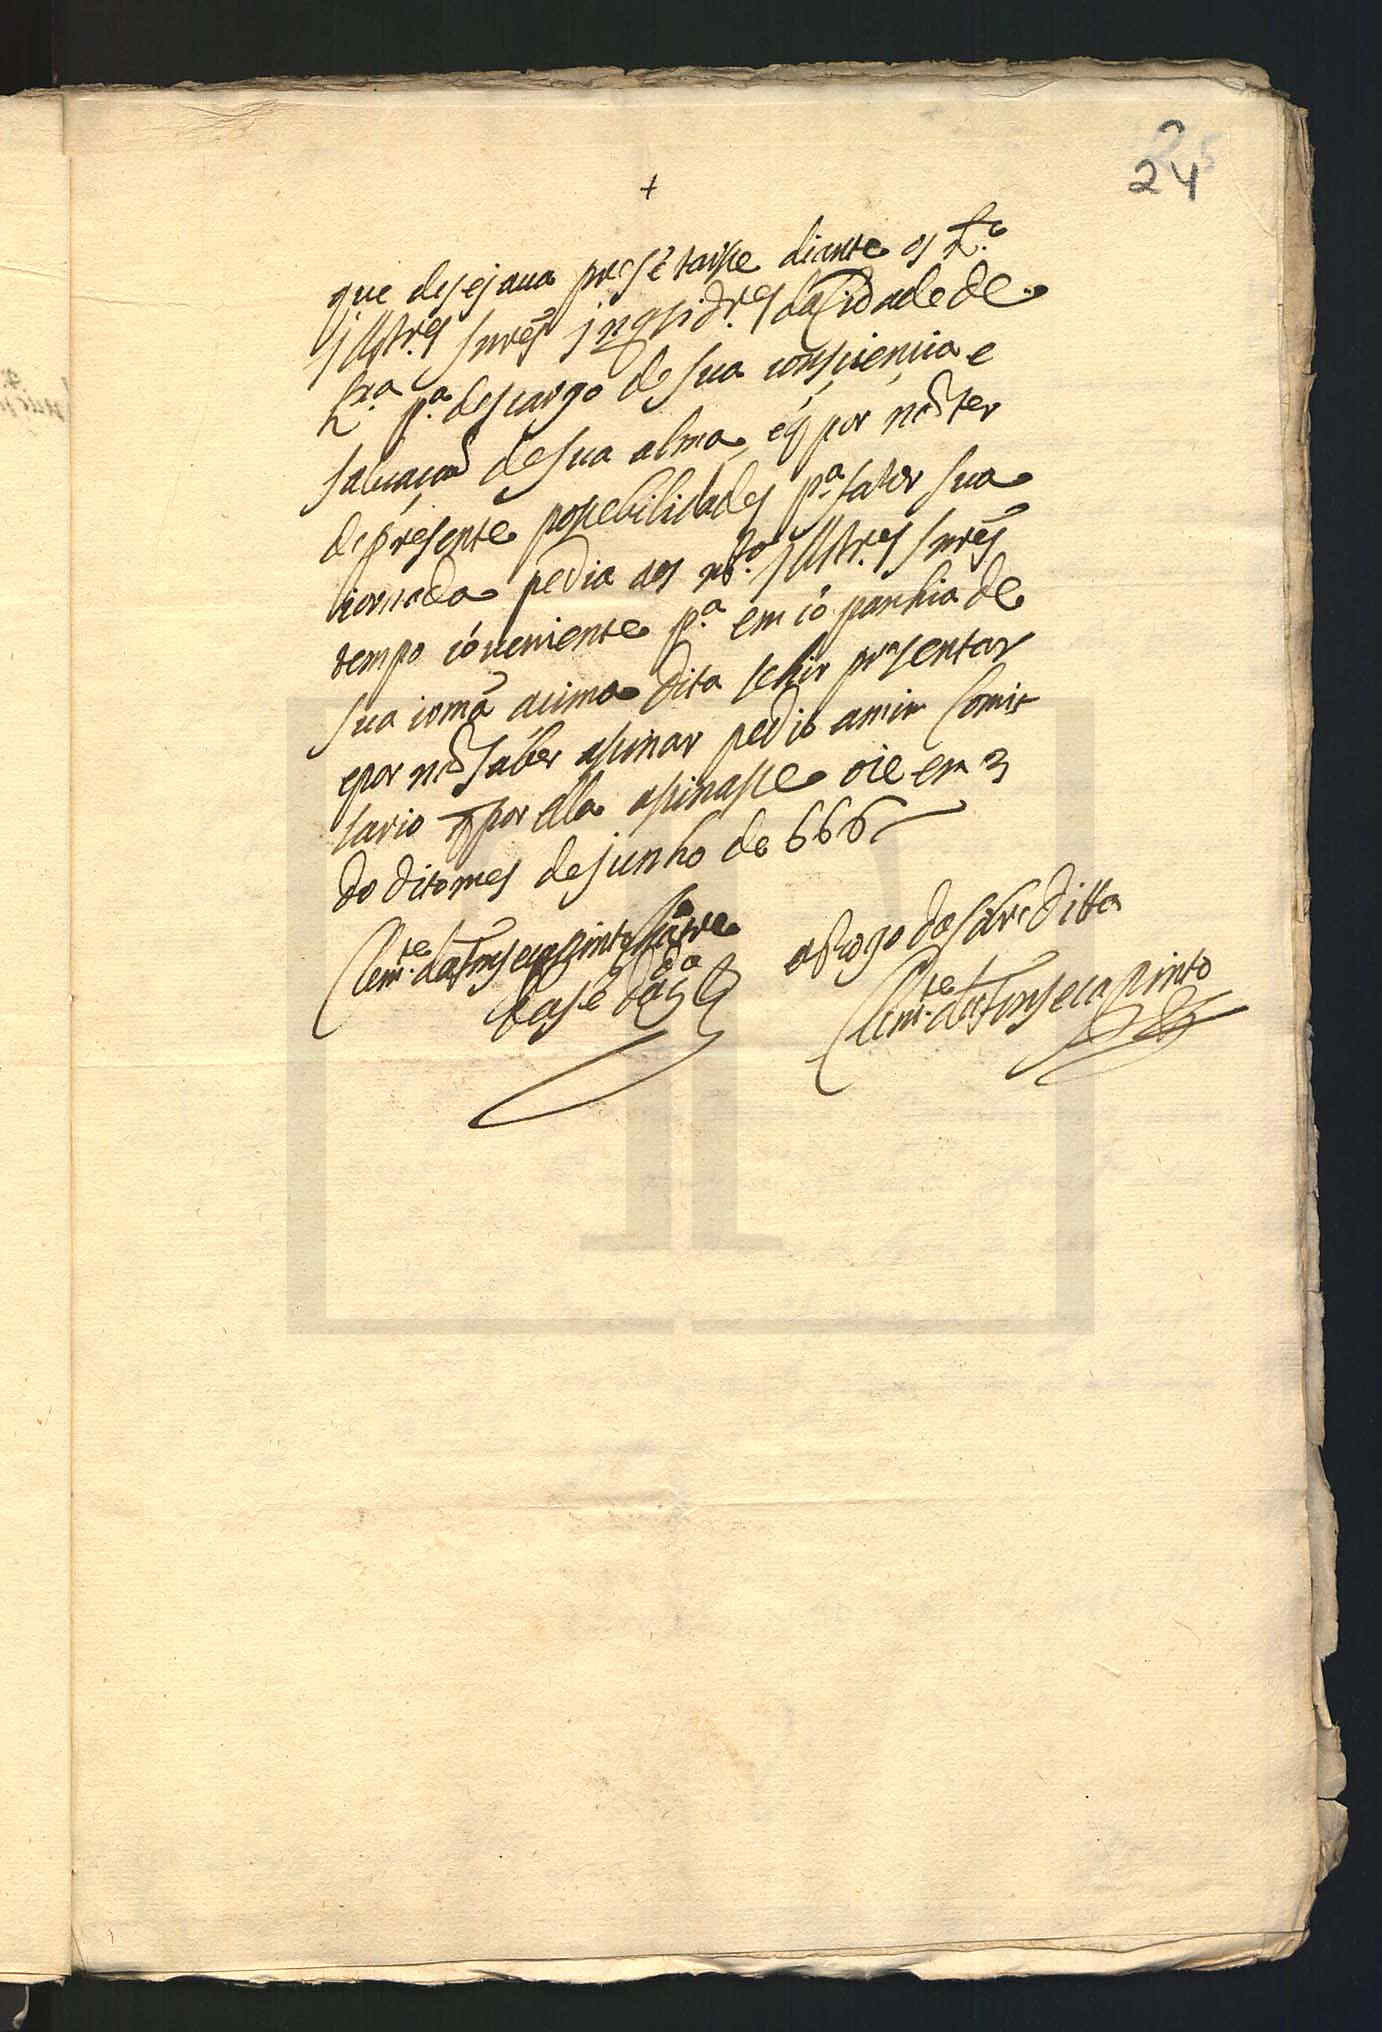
que desejaua presētarsse diante os m.to
jllstr.es snrēs jnꝗsidr.es da Cidade de
Lx.a p.a descargo de sua consiencia e
saluaçaõ de sua alma, e q̄ por naõ ter
de presente possebilidades p.a faser sua
iornada pedia aos m.to Jllstr.es Snres̄
tempo cōueniente p.a em cōpanhia de
sua irmā acima dita se hir prasentar
e por naõ saber assinar pedio a mim Comis
sario q̄ por ella assinasse oie em 3
do dito mes de junho de 666 -
a Rogo da sobreditta
Clem.te da Fonseca pinto Chātre
Clem.te da Fonseca pinto
da se da gda
